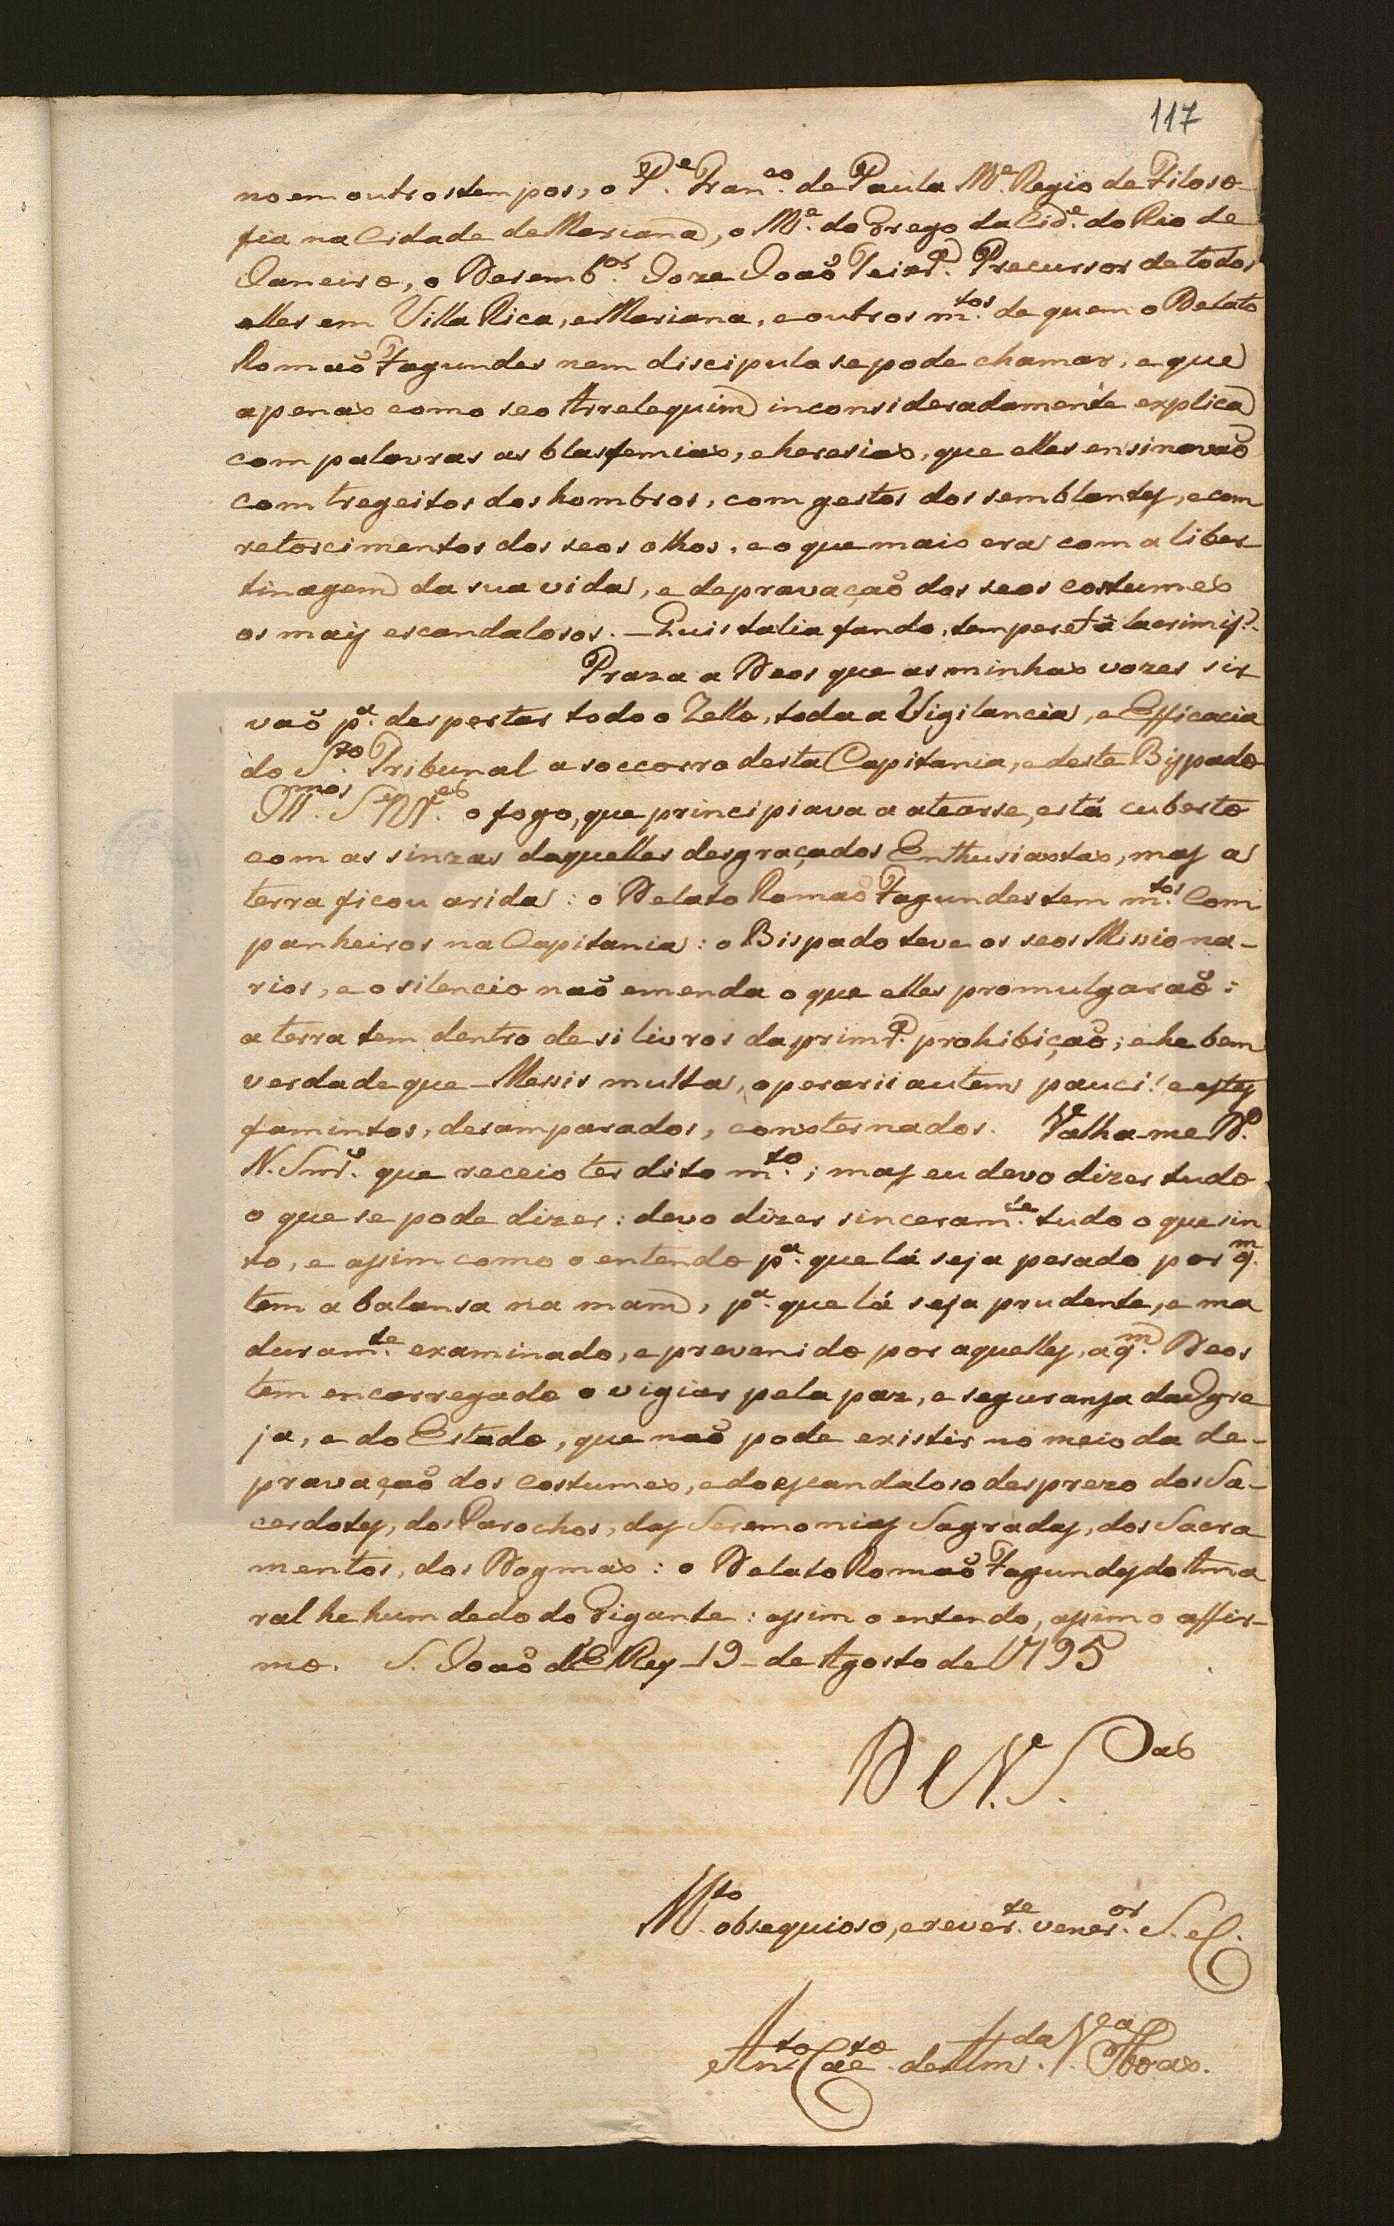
no em outros tempos, o P.e Fran.co de Paula M.e Regio de Filoso
fia na Cidade de Mariana, o M.e do Grego da Cid.e do Rio de
Ianeiro, o Desemb.or Ioze Ioaõ Teixr.a Precursor de todos
elles em Villa Rica, e Mariana, e outros m.tos de quem o Delato
Romaõ Fagundes nem discipulo se pode chamar, e que
apenas como seo Arrelequim inconsideradamente explica
com palavras as blasfemias, e heresias, que elles ensinavaõ
com tregeitos dos hombros, com gestos dos semblantes, e com
retorcimentos dos seos olhos, ao que mais era com a liber
tinagem da sua vida, e depravação dos seos costumes
os mais escandalosos. - Quis talia fando, temperet â lacrimis?
Praza a Deos que as minhas vozes sir
vaõ p.a despertar todo o Zello, toda a Vigilancia, e Efficacia
do S.to Tribunal a socorro desta Capitania, e deste Bispado
Ill.mos Snr.es o fogo, que principiava a atearse, está cuberto
com as sinzas daquelles desgraçados Enthusiastas, mas a
terra ficou arida: o Delato Romaõ Fagundes tem m.tos Com
panheiros na Capitania: o Bispado teve os seos Missiona
rios, e o silencio naõ emenda o que elles promulgaraõ:
a terra tem dentro de si Livros da primr.a prohibiçaõ; e he bem
verdade que - Messis multa, operarii autem pauci! e estes
famintos, desamparados, consternados. Valha-me D.s
N. Snr̄.que receio ter dito m.to; mas eu devo dizer tudo
o que se pode dizer: devo dizer sinceram.te tudo o que sin
to, e asim como o entendo p.a que lá seja pesado por q.m
tem a balansa na mam, p.a que lá seja prudente, e ma
duramente examinado, e prevenido por aquelles, a q.m Deos
tem encarregado o vigiar pela paz, a seguransa da Igre
ja, e do Estado, que naõ pode existir no meio da de
pravaçaõ dos costumes, e do escandaloso desprezo dos Sa
cerdotes, dos Parochos, das Seremonias Sagradas, dos Sacra
mentos, dos Dogmas: o Delato Romaõ Fagundes do Ama
ral he hum dedo de Gigante: assim o entendo, assim o affir
mo. S. Ioaõ d´El Rey - 19 - de Agosto de 1795
De V. S.as
M.to obsequioso, e rever.te vener.or S. e C.
An.to Cae.to de Alm.da V.asboas.
